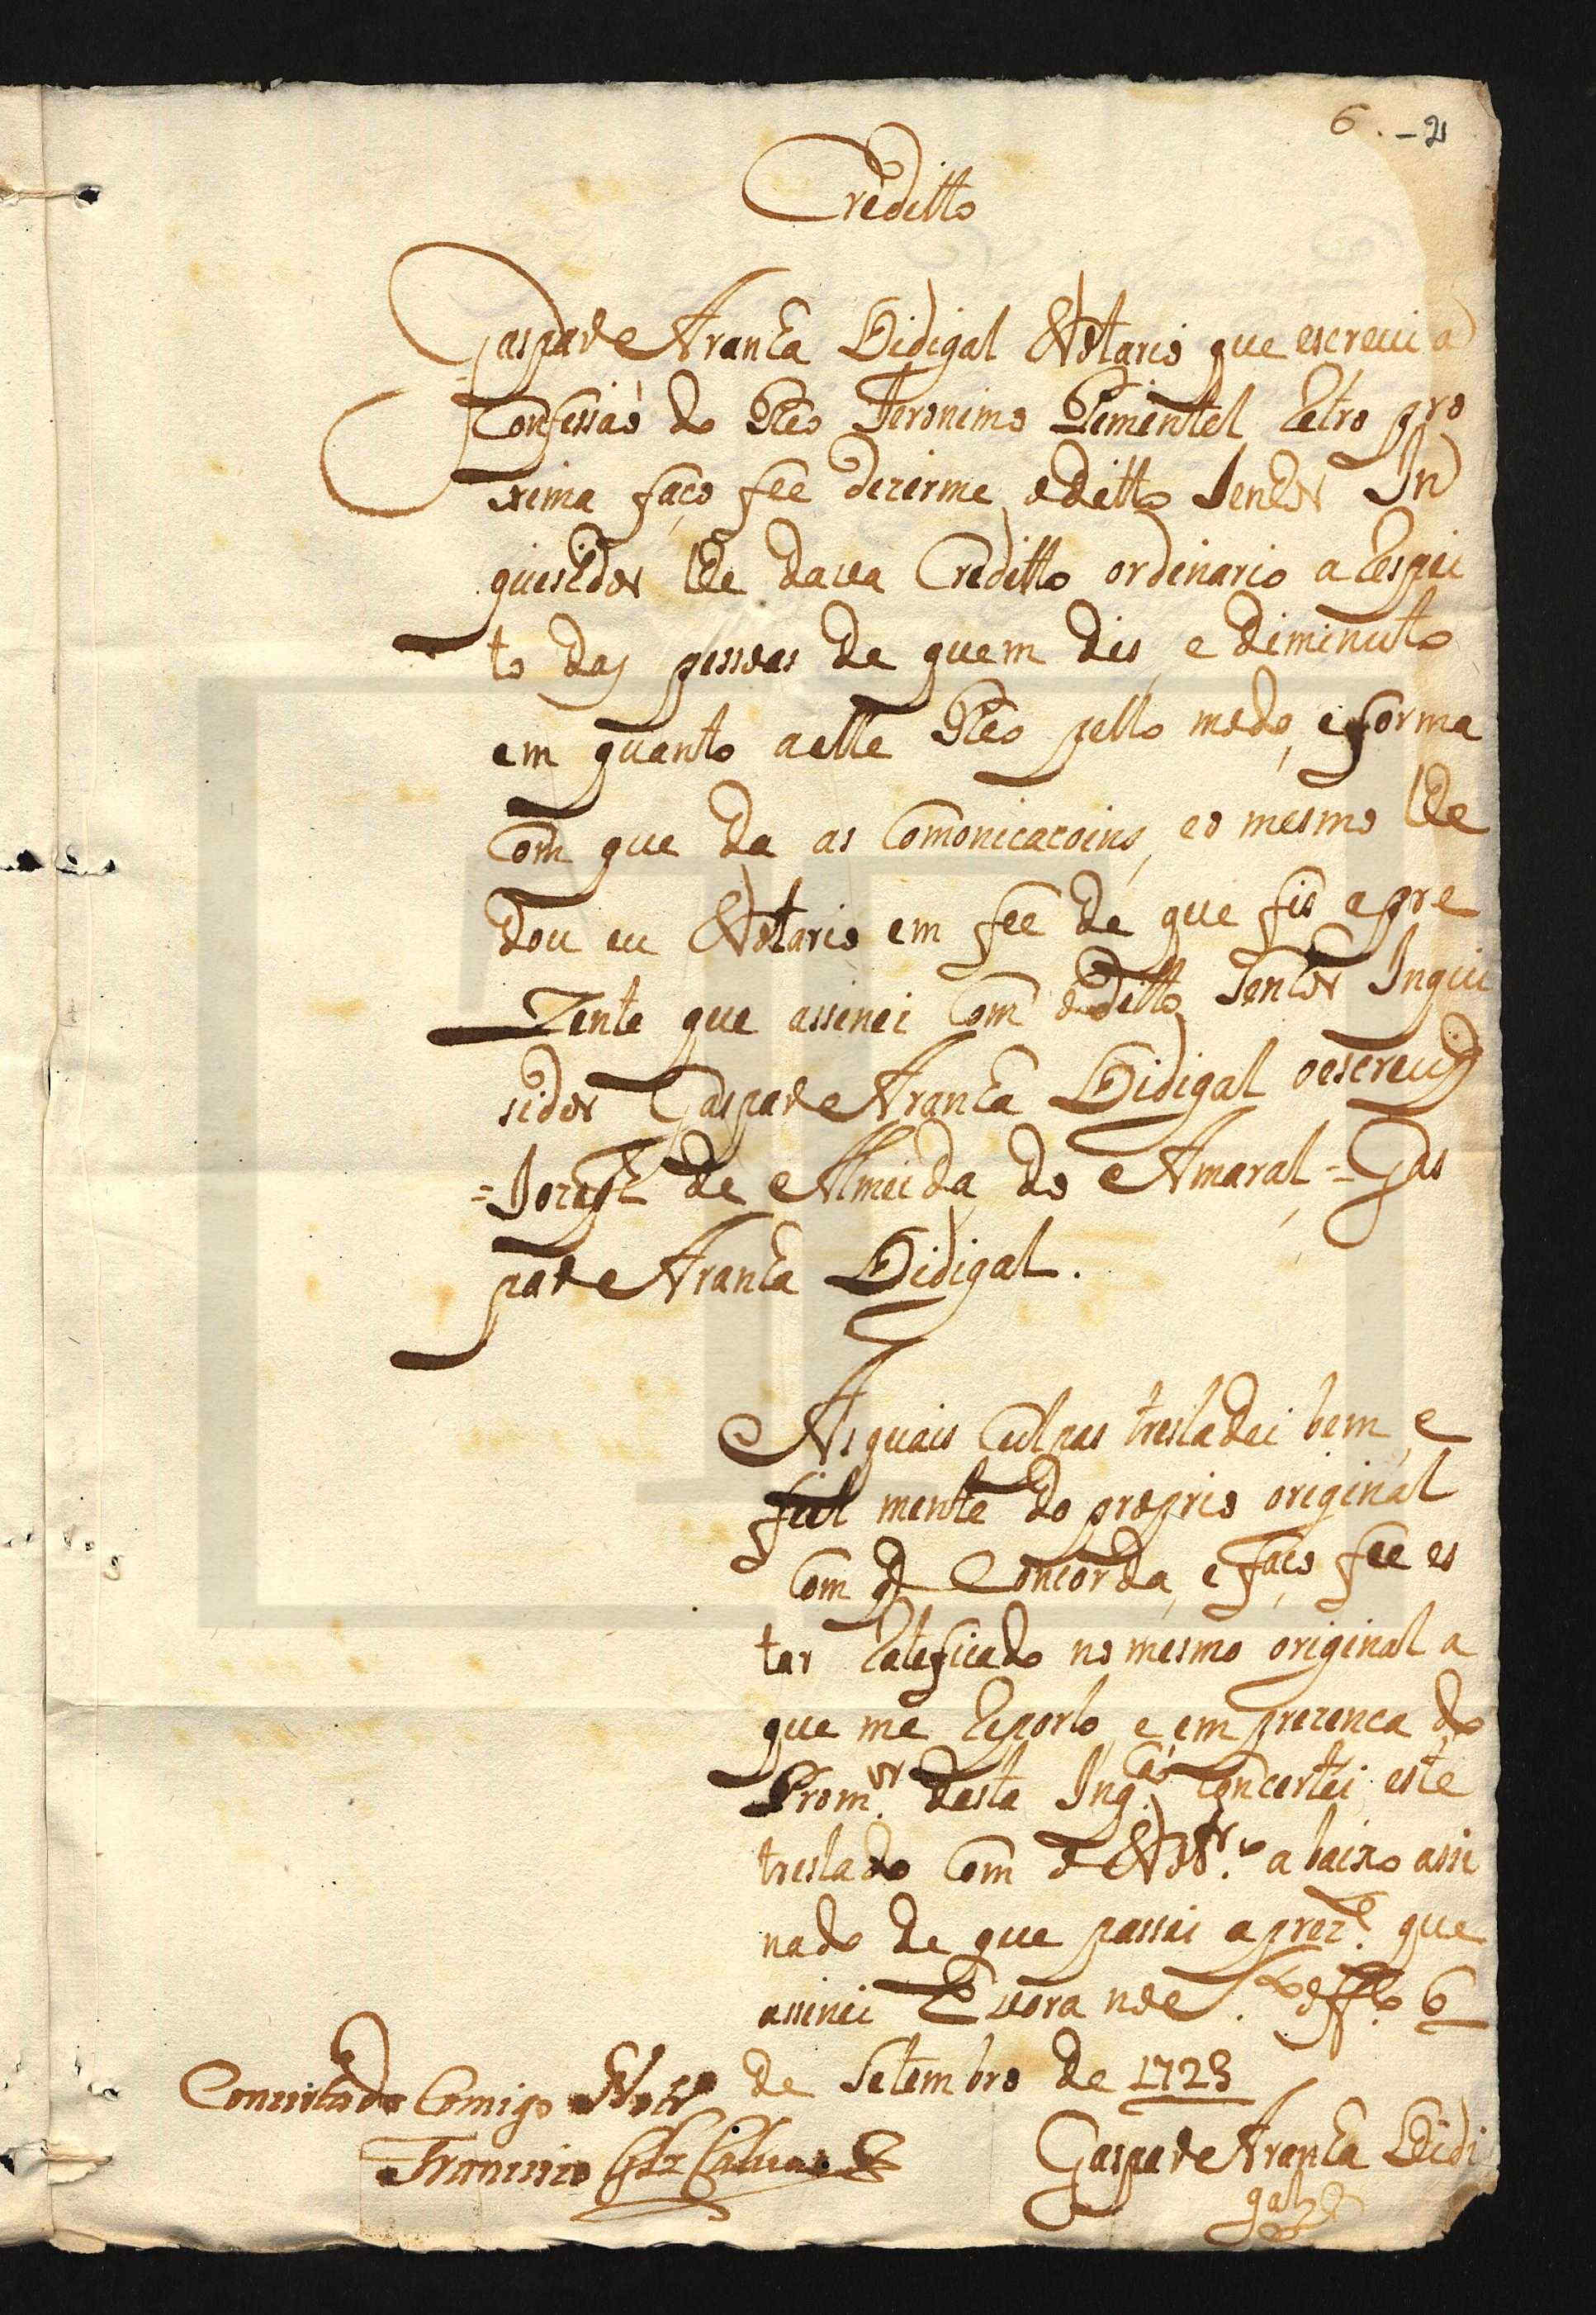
Creditto
Gaspar Aranha Vidigal Notario que escreui a
Confessaõ do Reo Ieronimo Pementel Retro pro
xima faço fee dizerme o ditto Senhor In
quisedor lhe daua Creditto ordinario a Respei
to das pessoas de quem dis e diminuto
emquanto a elle Reo pello modo, e forma
Com que da as Comonicacoins, e o mesmo lhe
dou eu Notario em fee de que fis a pre
Zente que assinei Com o ditto Senhor Inqui
sidor Gaspar Aranha Vidigal o escreuj
Iozeph de Almeida do Amaral = Gas
par Aranha Vidigal.
As quais Culpas tresladei bem, e
fielmente do proprio orginal
Com q̄ Concorda, e faço fee es
tar Rateficado no mesmo original a
que me Reporto, e em prezença do
Promor. desta Inq.caõ Concertei este
treslado Com o Not.ro abaixo assi
nado de que passei a prez.te que
assinei Evora no S.to off.co 6
Concertado Comigo Notr.o
de Setembro de 1723
Gaspar de Aranha Vidi
Francisco Glz Caluar
gal
